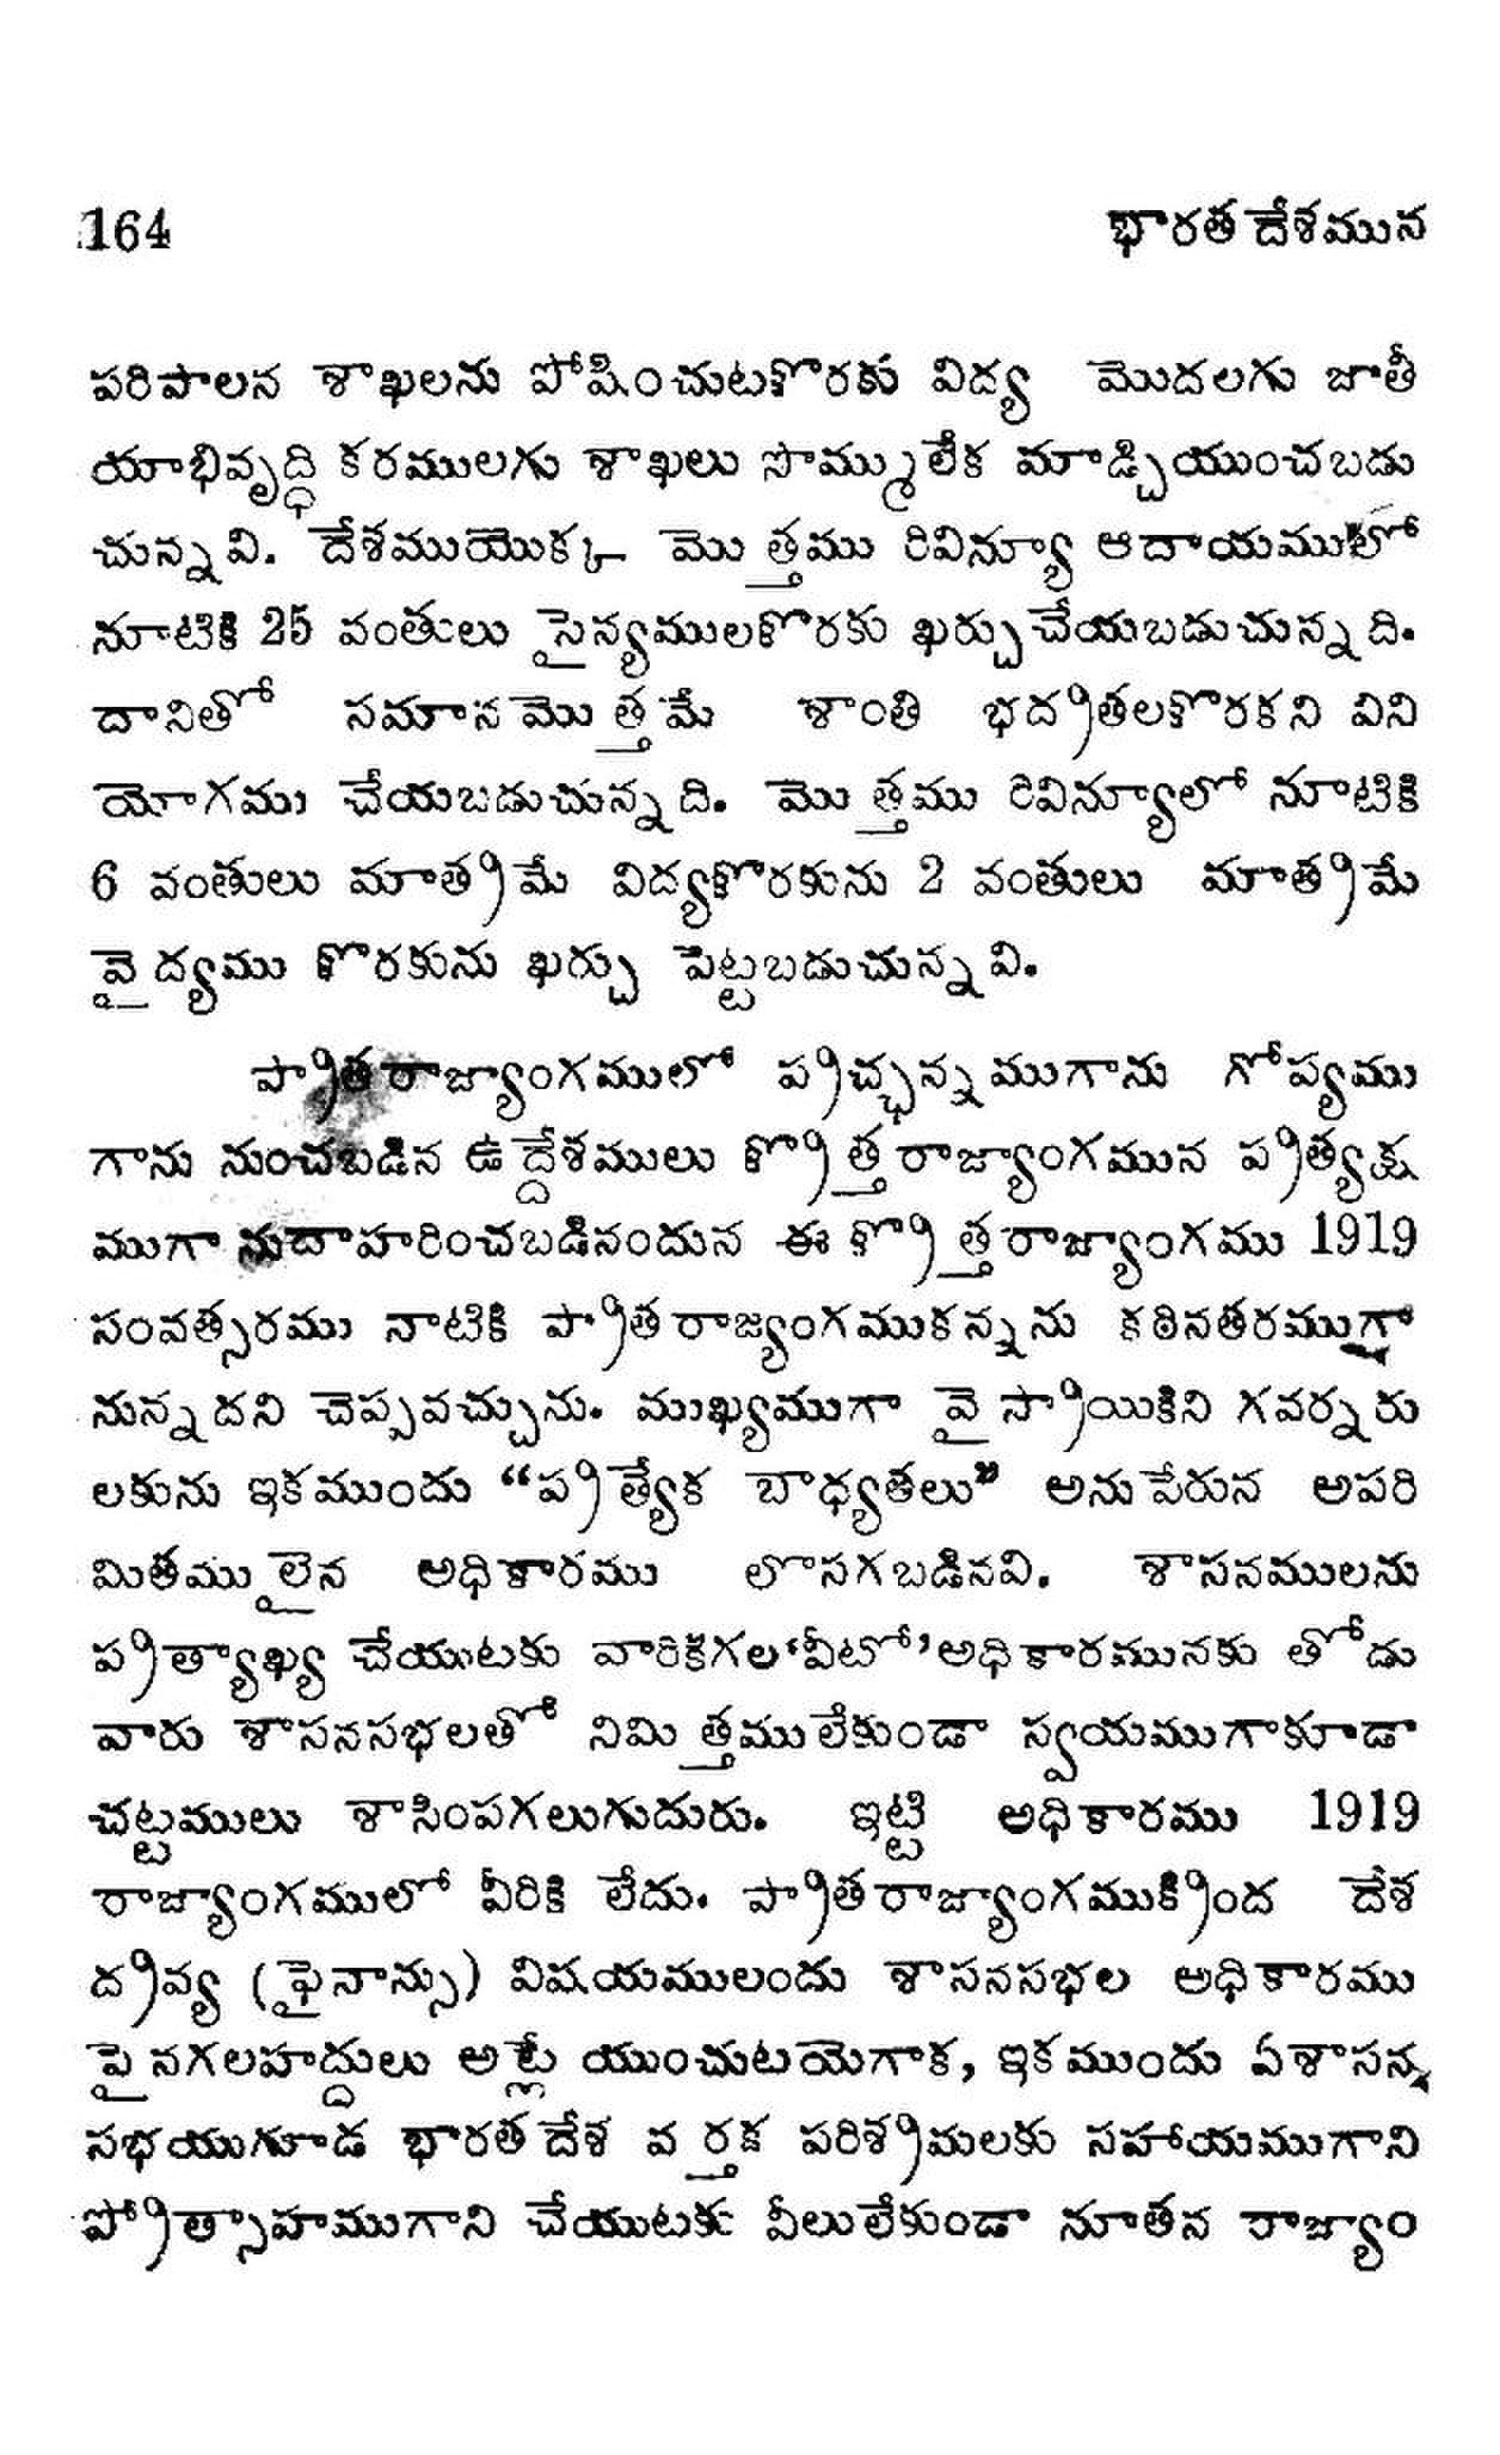పరిపాలన శాఖలను పోషించుటకొరకు విద్య మొదలగు జాతీయాభివృద్ధి కరములగు శాఖలు సొమ్ములేక మాడ్చియుంచబడుచున్నవి. దేశముయొక్క మొత్తము రివిన్యూ ఆదాయములో నూటికి 25 వంతులు సైన్యములకొరకు ఖర్చుచేయబడుచున్నది. దానితో సమాన మొత్తమే శాంతి భద్రతలకొరకని వినియోగము చేయబడుచున్నది. మొత్తము రెవిన్యూలో నూటికి 6 వంతులు మాత్రమే విద్యకొరకును 2 వంతులు మాత్రమే వైద్యము కొరకును ఖర్చు పెట్టబడుచున్నవి.

ప్రాతరాజ్యాంగములో ప్రచ్ఛన్నముగాను గోప్యముగాను నుంచబడిన ఉద్దేశములు క్రొత్తరాజ్యాంగమున ప్రత్యక్షముగా నుదాహరించబడినందున ఈ క్రొత్తరాజ్యాంగము 1919 సంవత్సరము నాటికి ప్రాతరాజ్యంగముకన్నను కఠినతరముగా నున్నదని చెప్పవచ్చును. ముఖ్యముగా వైస్రాయికిని గవర్నరులకును ఇకముందు “ప్రత్యేక బాధ్యతలు" అనుపేరున అపరిమితములైన అధికారము లొసగబడినవి. శాసనములను ప్రత్యాఖ్య చేయుటకు వారికిగల 'వీటో' అధికారమునకు తోడు వారు శాసనసభలతో నిమిత్తములేకుండా స్వయముగాకూడా చట్టములు శాసింపగలుగుదురు. ఇట్టి అధికారము 1919 రాజ్యాంగములో వీరికి లేదు. ప్రాతరాజ్యాంగముక్రింద దేశ ద్రవ్య (ఫైనాన్సు) విషయములందు శాసనసభల అధికారము పైనగలహద్దులు అట్లే యుంచుటయేగాక, ఇక ముందు ఏశాసన సభయుగూడ భారతదేశ వర్తక పరిశ్రమలకు సహాయముగాని ప్రోత్సాహముగాని చేయుటకు వీలులేకుండా నూతన రాజ్యం